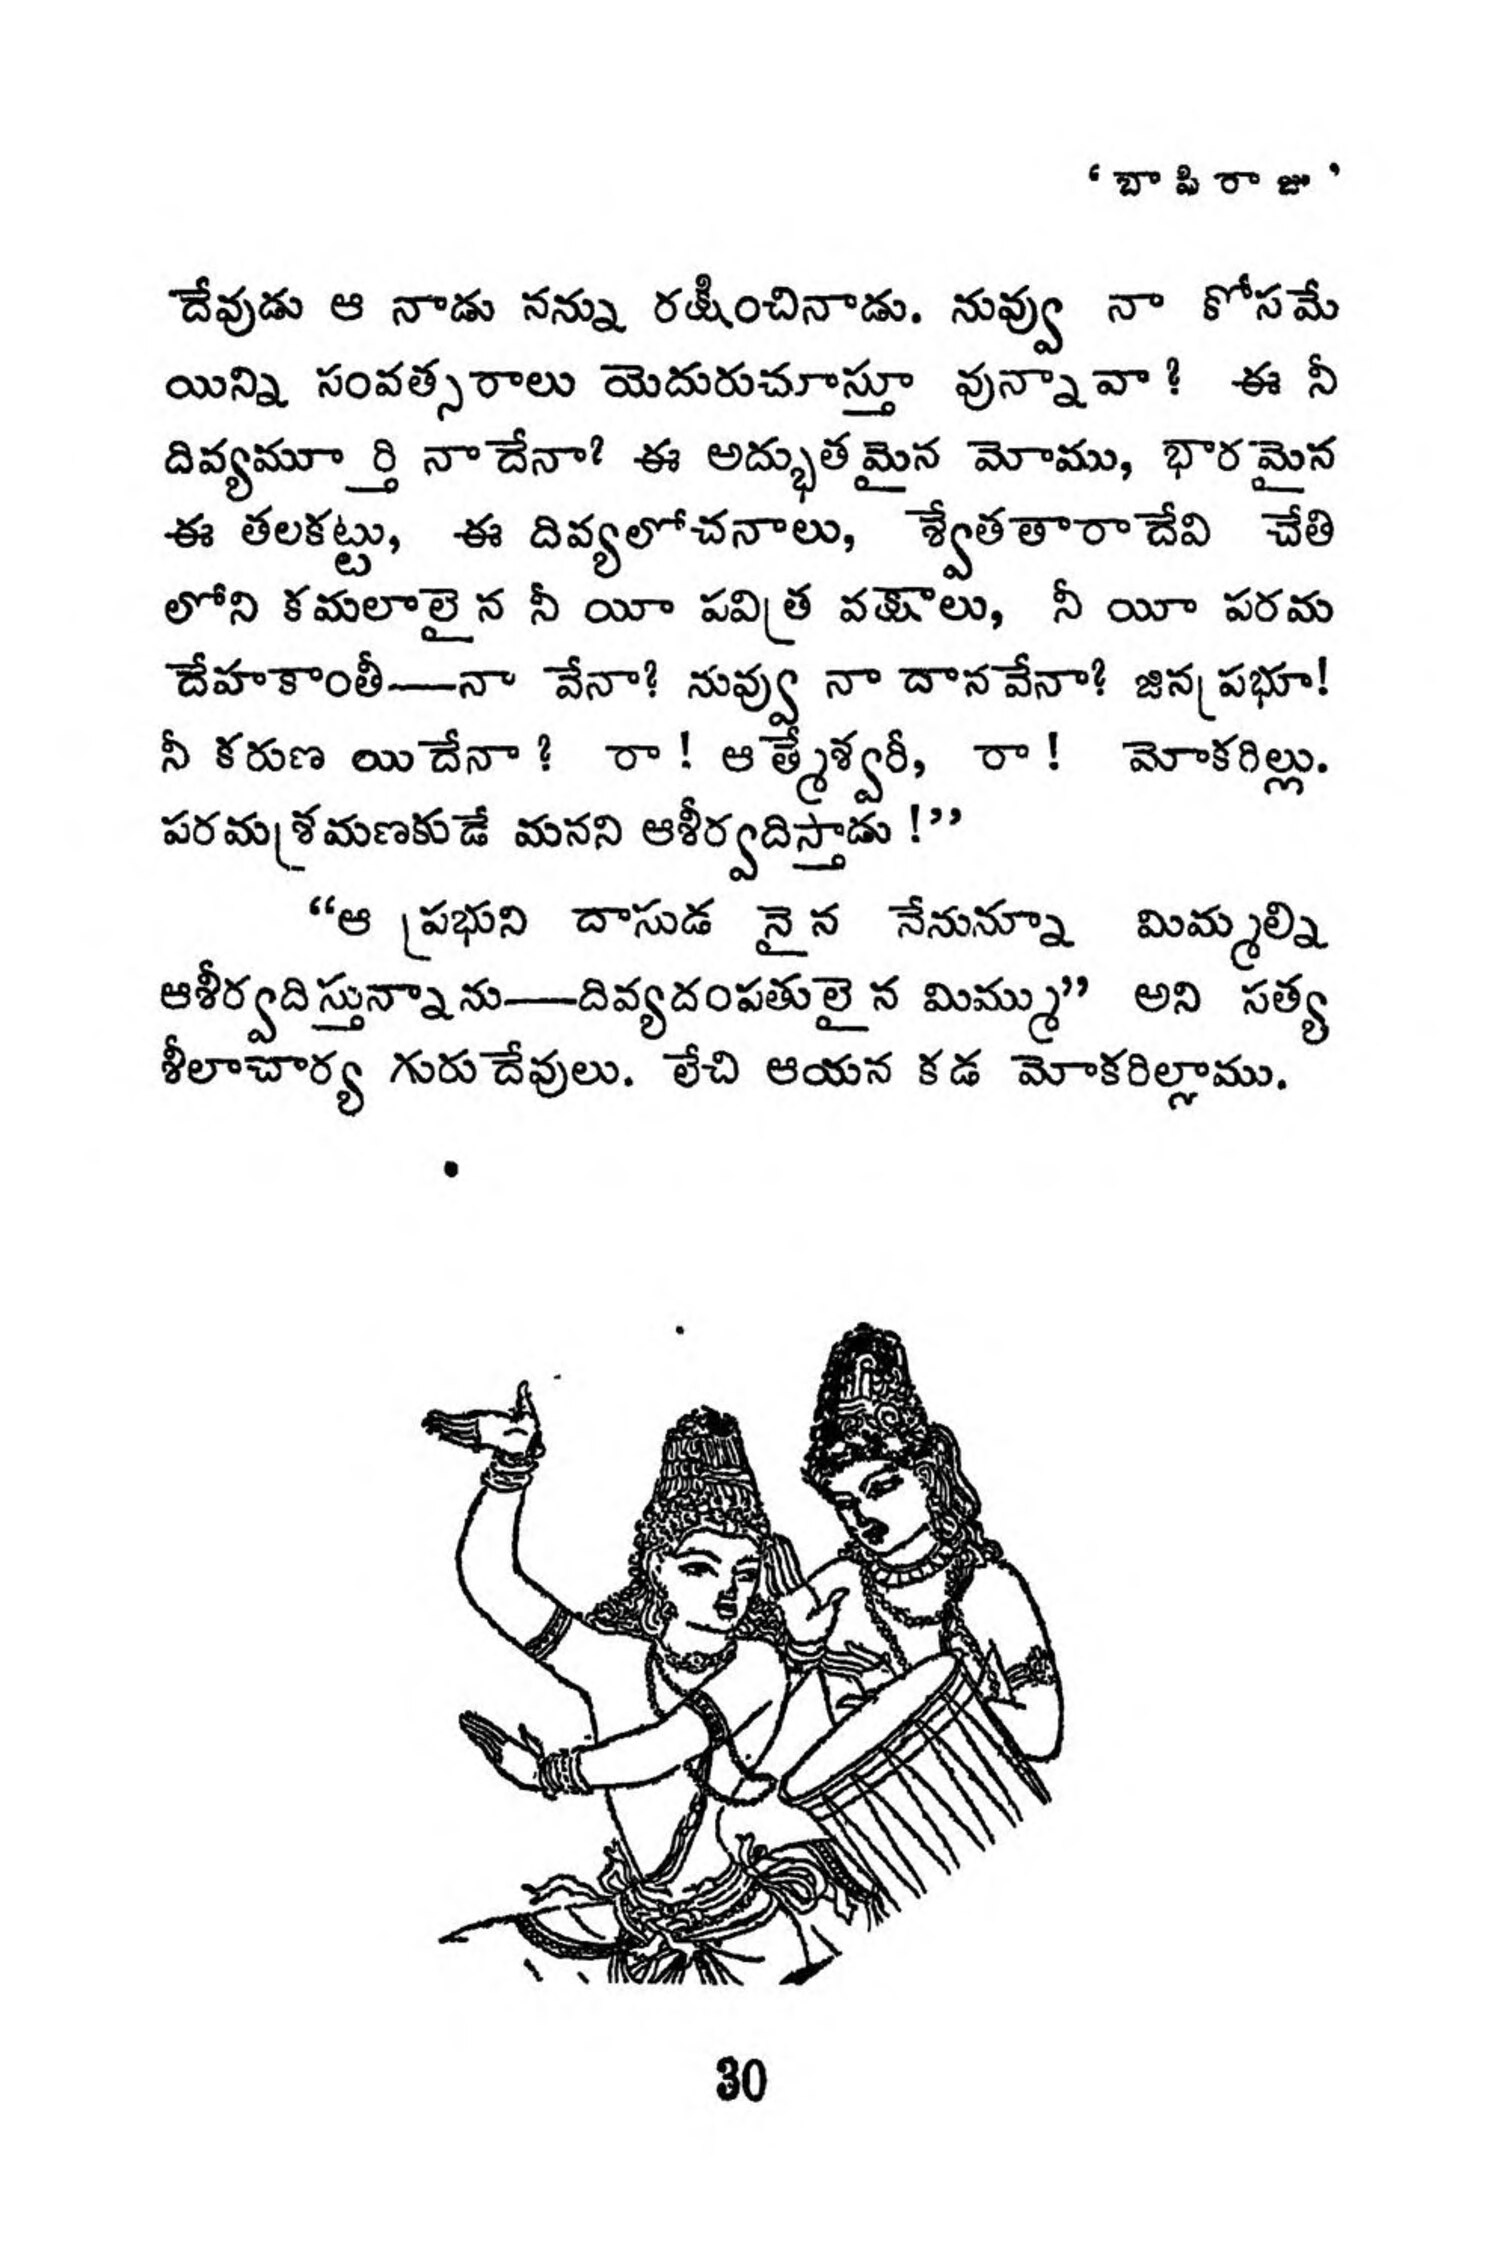దేవుడు ఆ నాడు నన్ను రక్షించినాడు. నువ్వు నా కోసమే యిన్ని సంవత్సరాలు యెదురుచూస్తూ వున్నావా? ఈ నీ దివ్యమూర్తి నాదేనా? ఈ అద్భుతమైన మోము, భారమైన ఈ తలకట్టు, ఈ దివ్యలోచనాలు, శ్వేతతారాదేవి చేతిలోని కమలాలైన నీ యీ పవిత్ర వక్షాలు, నీ యీ పరమ దేహకాంతీ - నా వేనా? నువ్వు నా దానవేనా? జినప్రభూ! నీ కరుణ యిదేనా? రా! ఆత్మేశ్వరీ, రా! మోకరిల్లు. పరమశ్రమణకుడే మనని ఆశీర్వదిస్తాడు!”

“ఆ ప్రభుని దాసుడ నైన నేనున్నూ మిమ్మల్ని ఆశీర్వదిస్తున్నాను - దివ్యదంపతులైన మిమ్ము” అని సత్యశీలాచార్య గురుదేవులు, లేచి ఆయన కడ మోకరిల్లాము.